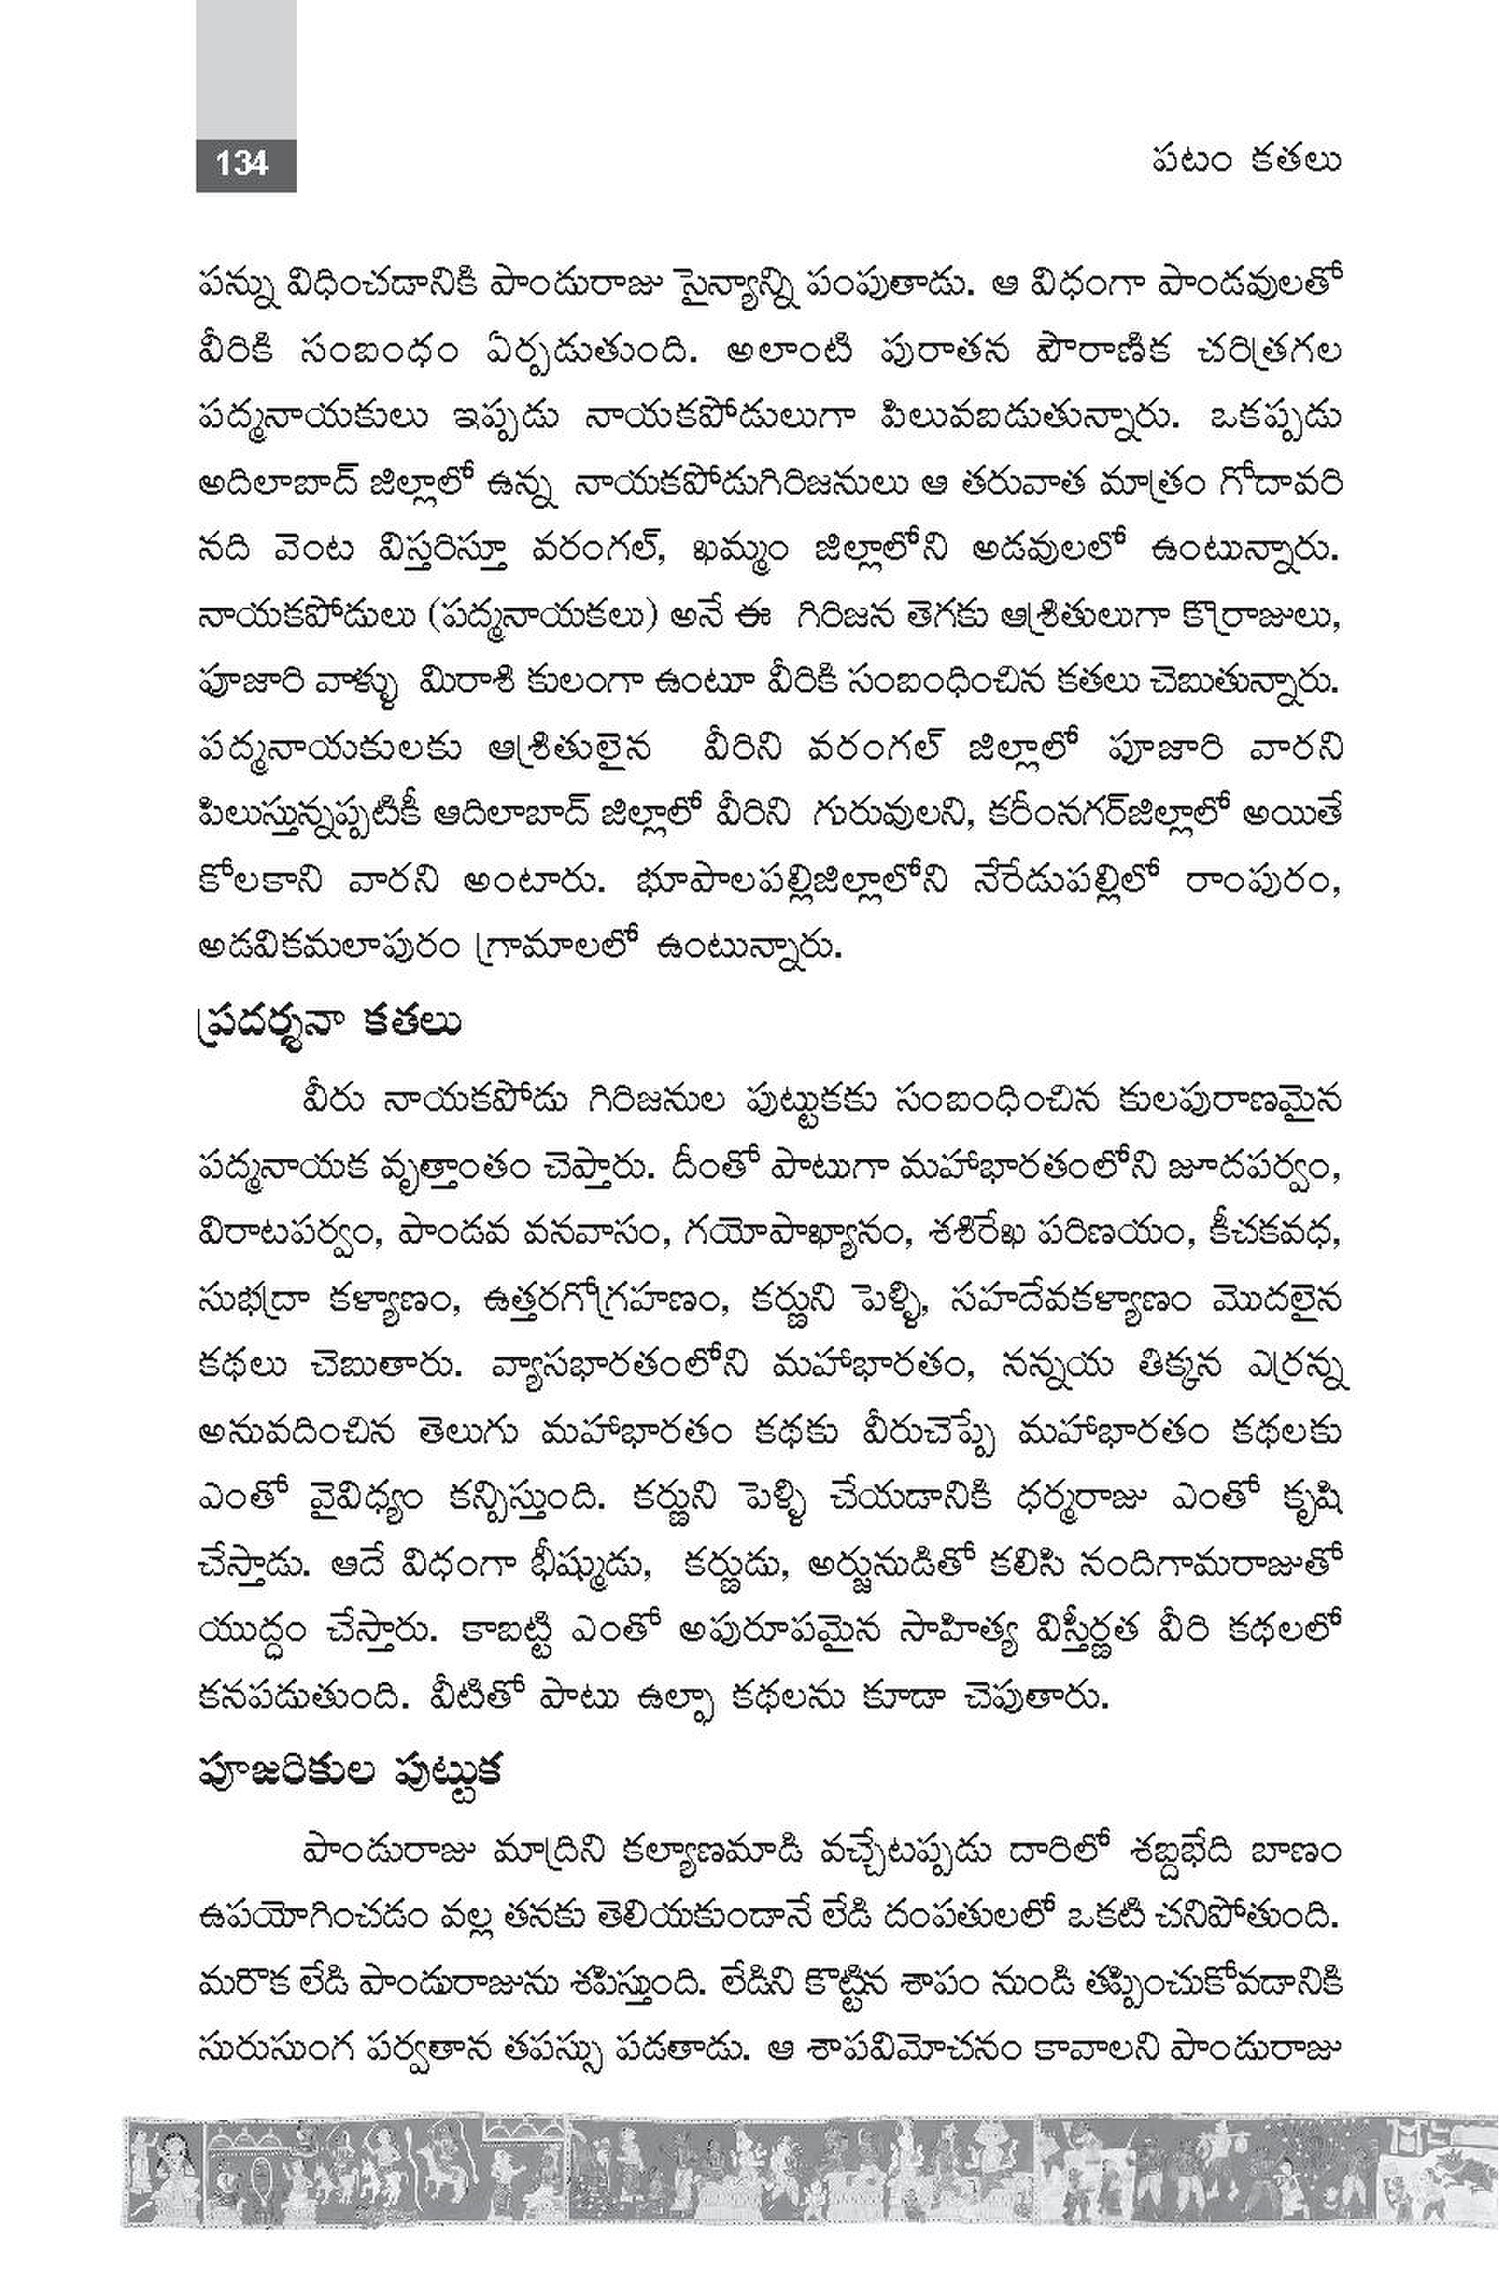పన్ను విధించడానికి పొందురాజు సైన్యాన్ని పంపుతాడు. ఆ విధంగా పాండవులతో వీరికి సంబంధం ఏర్పడుతుంది. అలాంటి పురాతన పౌరాణిక చరిత్రగల పద్మనాయకులు ఇప్పుడు నాయకపోడులుగా పిలువబడుతున్నారు. ఒకప్పడు
అదిలాబాద్ జిల్లాలో ఉన్న నాయకపోడు గిరిజనులు ఆ తరువాత మాత్రం గోదావరి నది వెంట విస్తరిస్తూ వరంగల్, ఖమ్మం జిల్లాలోని అడవులలో ఉంటున్నారు. నాయకపోడులు (పద్మనాయకలు) అనే ఈ గిరిజన తెగకు ఆశ్రితులుగా కొర్రాజులు, పూజారి వాళ్ళు మిరాశి కులంగా ఉంటూ వీరికి సంబంధించిన కతలు చెబుతున్నారు. పద్మనాయకులకు ఆశ్రితులైన వీరిని వరంగల్ జిల్లాలో పూజారి వారని పిలుస్తున్నప్పటికీ ఆదిలాబాద్ జిల్లాలో వీరిని గురువులని, కరీంనగర్ జిల్లాలో అయితే కోలకాని వారని అంటారు. భూపాలపల్లి జిల్లాలోని నేరేడుపల్లిలో రాంపురం, అడవికమలాపురం గ్రామాలలో ఉంటున్నారు.

ప్రదర్శనా కతలు 

వీరు నాయకపోడు గిరిజనుల పుట్టుకకు సంబంధించిన కులపురాణమైన పద్మనాయక వృత్తాంతం చెప్తారు. దీంతో పాటుగా మహాభారతంలోని జూదపర్వం, విరాటపర్వం, పాండవ వనవాసం, గయోపాఖ్యానం, శశిరేఖ పరిణయం, కీచకవధ,
సుభద్రా కళ్యాణం, ఉత్తరగోగ్రహణం, కర్ణుని పెళ్ళి, సహదేవకళ్యాణం మొదలైన కథలు చెబుతారు. వ్యాసభారతంలోని మహాభారతం, నన్నయ తిక్కన ఎర్రన్న అనువదించిన తెలుగు మహాభారతం కథకు వీరుచెప్పే మహాభారతం కథలకు
ఎంతో వైవిధ్యం కన్పిస్తుంది. కర్ణుని పెళ్ళి చేయడానికి ధర్మరాజు ఎంతో కృషి చేస్తాడు. అదే విధంగా భీష్ముడు, కర్ణుడు, అర్జునుడితో కలిసి నందిగామరాజుతో యుద్ధం చేస్తారు. కాబట్టి ఎంతో అపురూపమైన సాహిత్య విస్తీర్ణత వీరి కథలలో
కనపడుతుంది. వీటితో పాటు ఉల్ఫా కథలను కూడా చెపుతారు.

పూజరికుల పుట్టుక 

పాండురాజు మాద్రిని కల్యాణమాడి వచ్చేటప్పడు దారిలో శబ్దభేది బాణం ఉపయోగించడం వల్ల తనకు తెలియకుండానే లేడి దంపతులలో ఒకటి చనిపోతుంది. మరొక లేడి పాండురాజును శపిస్తుంది. లేడిని కొట్టిన శాపం నుండి తప్పించుకోవడానికి సురుసుంగ పర్వతాన తపస్సు పడతాడు. ఆ శాపవిమోచనం కావాలని పాండురాజు